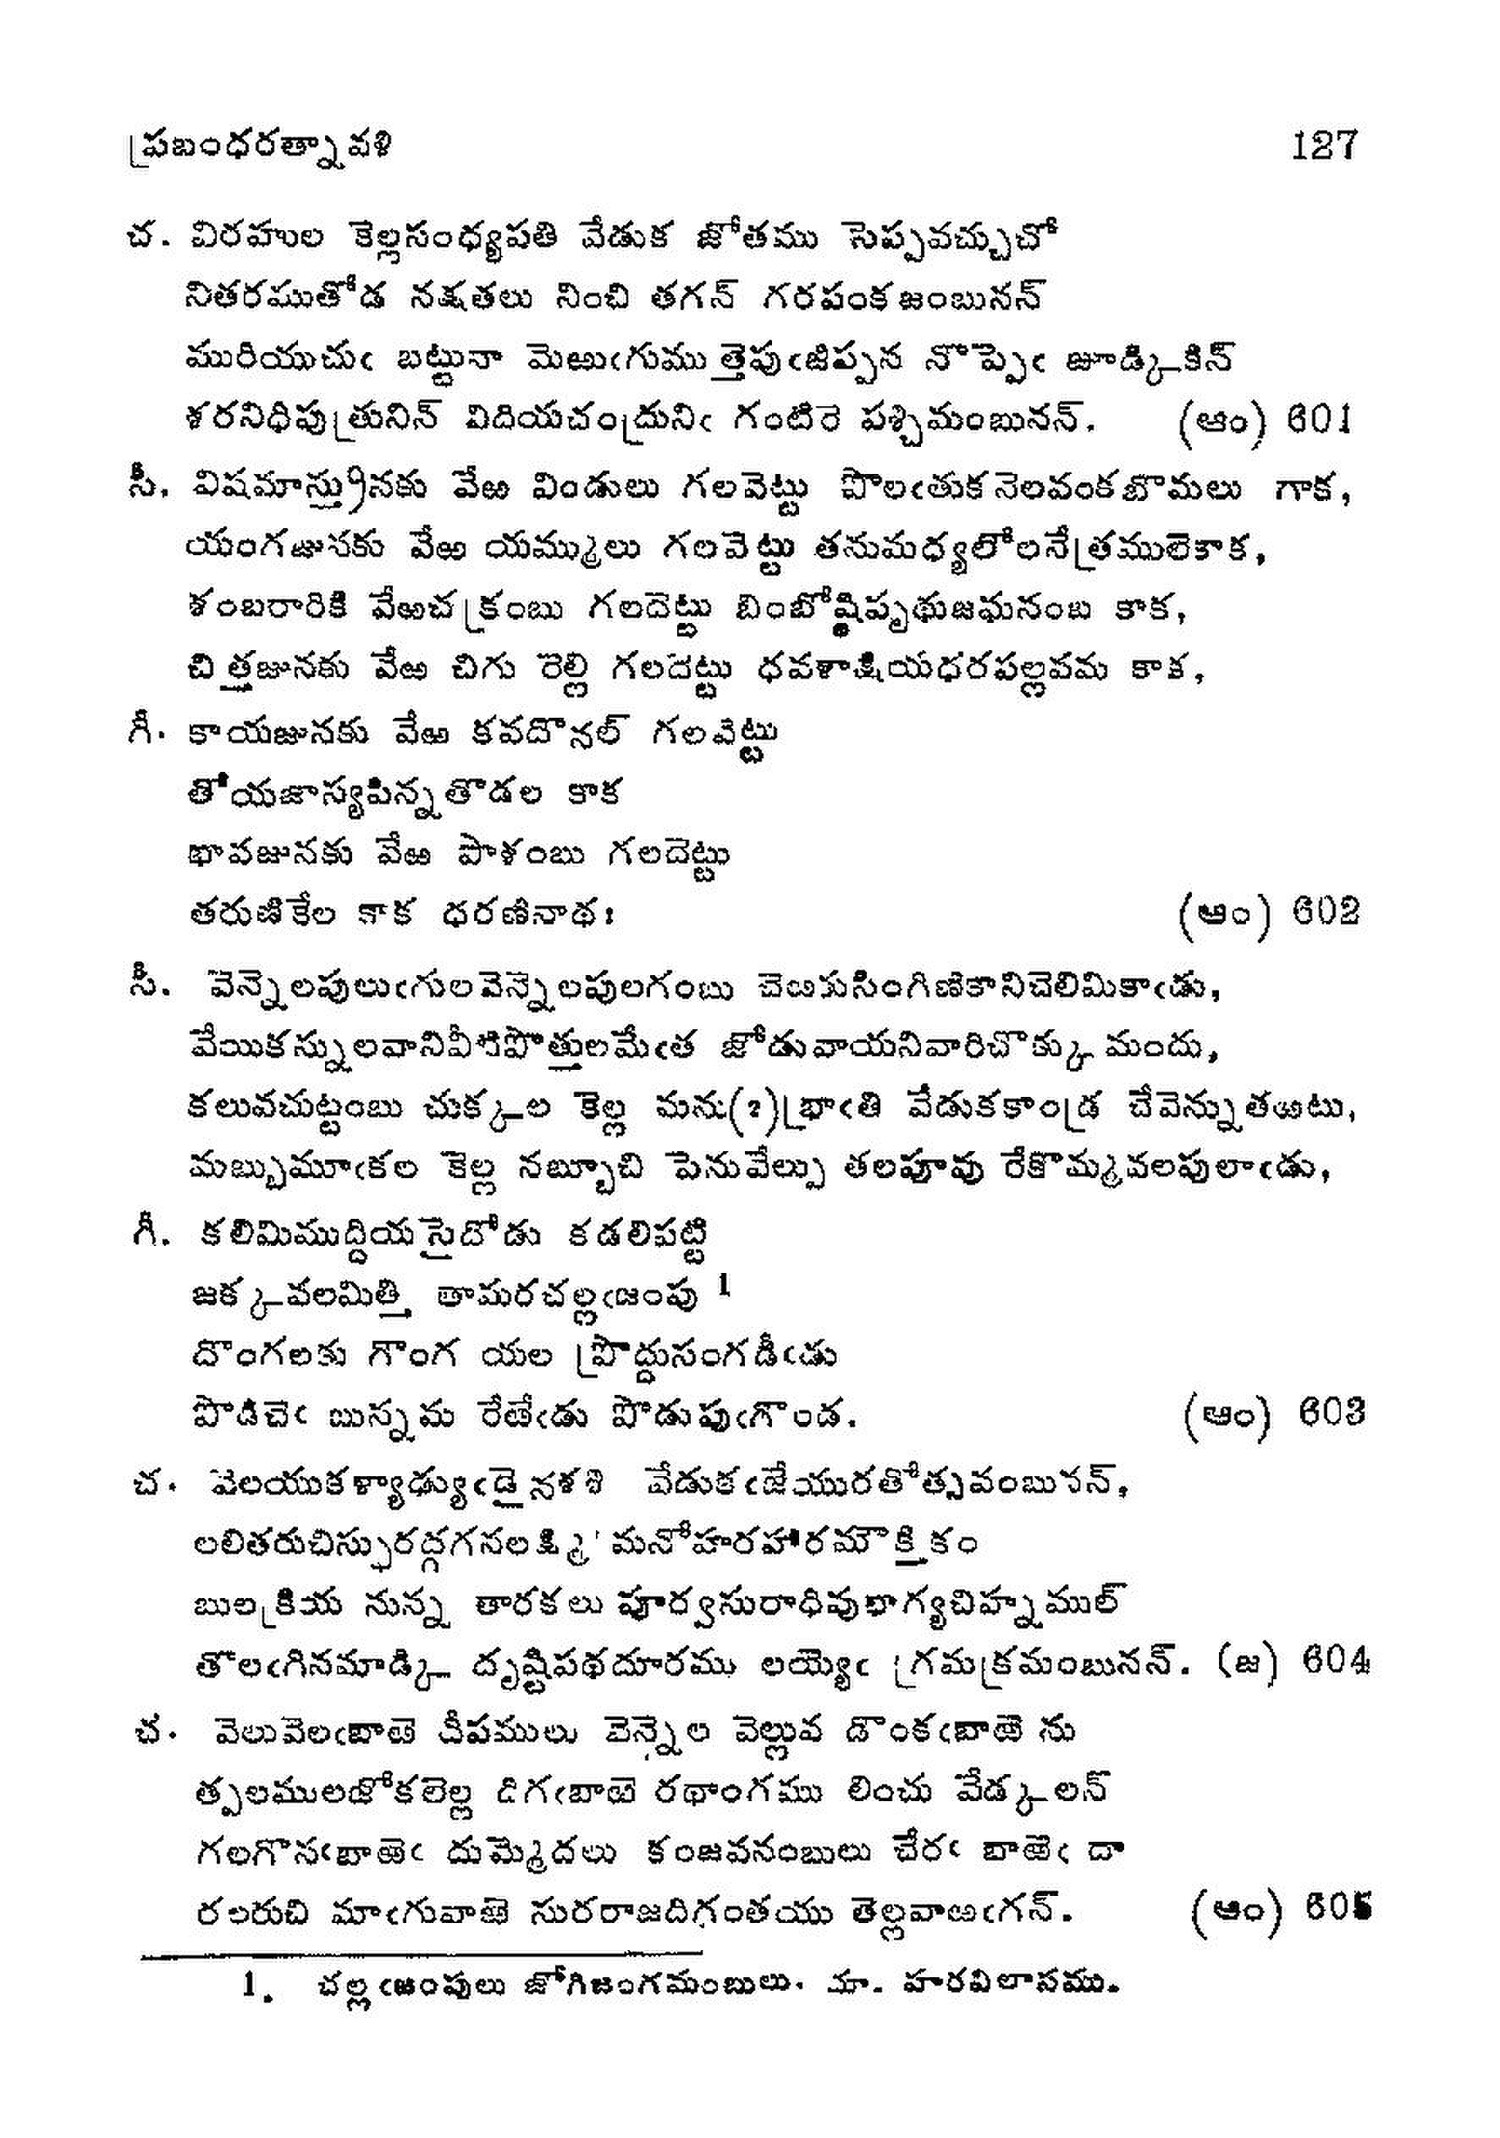చ. విరహులకెల్ల సంధ్యపతి వేడుక జోతము సెప్పవచ్చుచో
నితరముతోడ నక్షతలు నించి తగన్ గరపంకజంబునన్
మురియుచుఁ బట్టునా మెఱుఁగుముత్తెపుఁజిప్పన నొప్పెఁ జూడ్కికిన్
శరనిధిపుత్రునిన్ విదియచంద్రునిఁ గంటిరె పశ్చిమంబునన్. (ఆం) 601

సీ. విషమాస్త్రునకు వేఱ విండులు గలవెట్టు పొలఁతుక నెలవంక బొమలు గాక,
యంగజునకు వేఱ యమ్ములు గలవెట్టు తనుమధ్యలోల నేత్రములె కాక,
శంబరారికి వేఱ చక్రంబు గలదెట్టు బింబోష్ఠి పృథుజఘనంబ కాక,
చిత్తజునకు వేఱ చిగురెల్లి గలదెట్టు ధవళాక్షి యధరపల్లవమ కాక,
గీ. కాయజునకు వేఱ కవదొనల్ గలవెట్టు
తోయజాస్య పిన్న తొడల కాక
భావజునకు వేఱ పాశంబు గలదెట్టు
తరుణి కేల కాక ధరణినాథ! (ఆం) 602

సీ. వెన్నెలపులుఁగుల వెన్నెలపులగంబు చెఱకుసింగిణికాని చెలిమికాఁడు,
వేయికన్నులవాని వీటిపొత్తులమేఁత జోడువాయనివారి చొక్కుమందు,
కలువచుట్టంబు చుక్కలకెల్ల మను[?] భ్రాంతి వేడుకకాండ్రచే వెన్నుతఱటు,
మబ్బుమూఁకలకెల్ల నబ్బూచి పెనువేల్పు తలపూవు రేకొమ్మ వలపులాఁడు,
గీ. కలిమిముద్దియసైతోడు కడలిపట్టి
జక్కవలమిత్తి తామరచల్లఁజంపు
దొంగలకు గొంగ యల ప్రొద్దుసంగడీఁడు
పొడిచెఁ బున్నమ రేఱేఁడు పొడుపుఁ గొండ. (ఆం) 603

చ. వెలయుకళాఢ్యుఁడైన శశి వేడుకఁ జేయు రతోత్సవంబునన్,
లలితరుచి స్ఫురద్గగనలక్ష్మి మనోహరహారమౌక్తికం
బుల క్రియ నున్న తారకలు పూర్వసురాధిపుభాగ్యచిహ్నముల్
తొలఁగినమాడ్కి దృష్టిపథదూరములయ్యెఁ గ్రమక్రమంబునన్. (జ) 604

చ. వెలవెలఁబాఱె దీపములు వెన్నెల వెల్లువ డొంకఁబాఱె ను
త్పలములజోకలెల్ల దిగఁబాఱె రథాంగము లించు వేడ్కలన్
గలగొనఁ బాఱెఁ దుమ్మెదలు కంజవనంబులు చేరఁబాఱెఁ దా
రలరుచి మాఁగువాఱె సురరాజదిగంతయు తెల్లవాఱఁగన్. (ఆం) 605